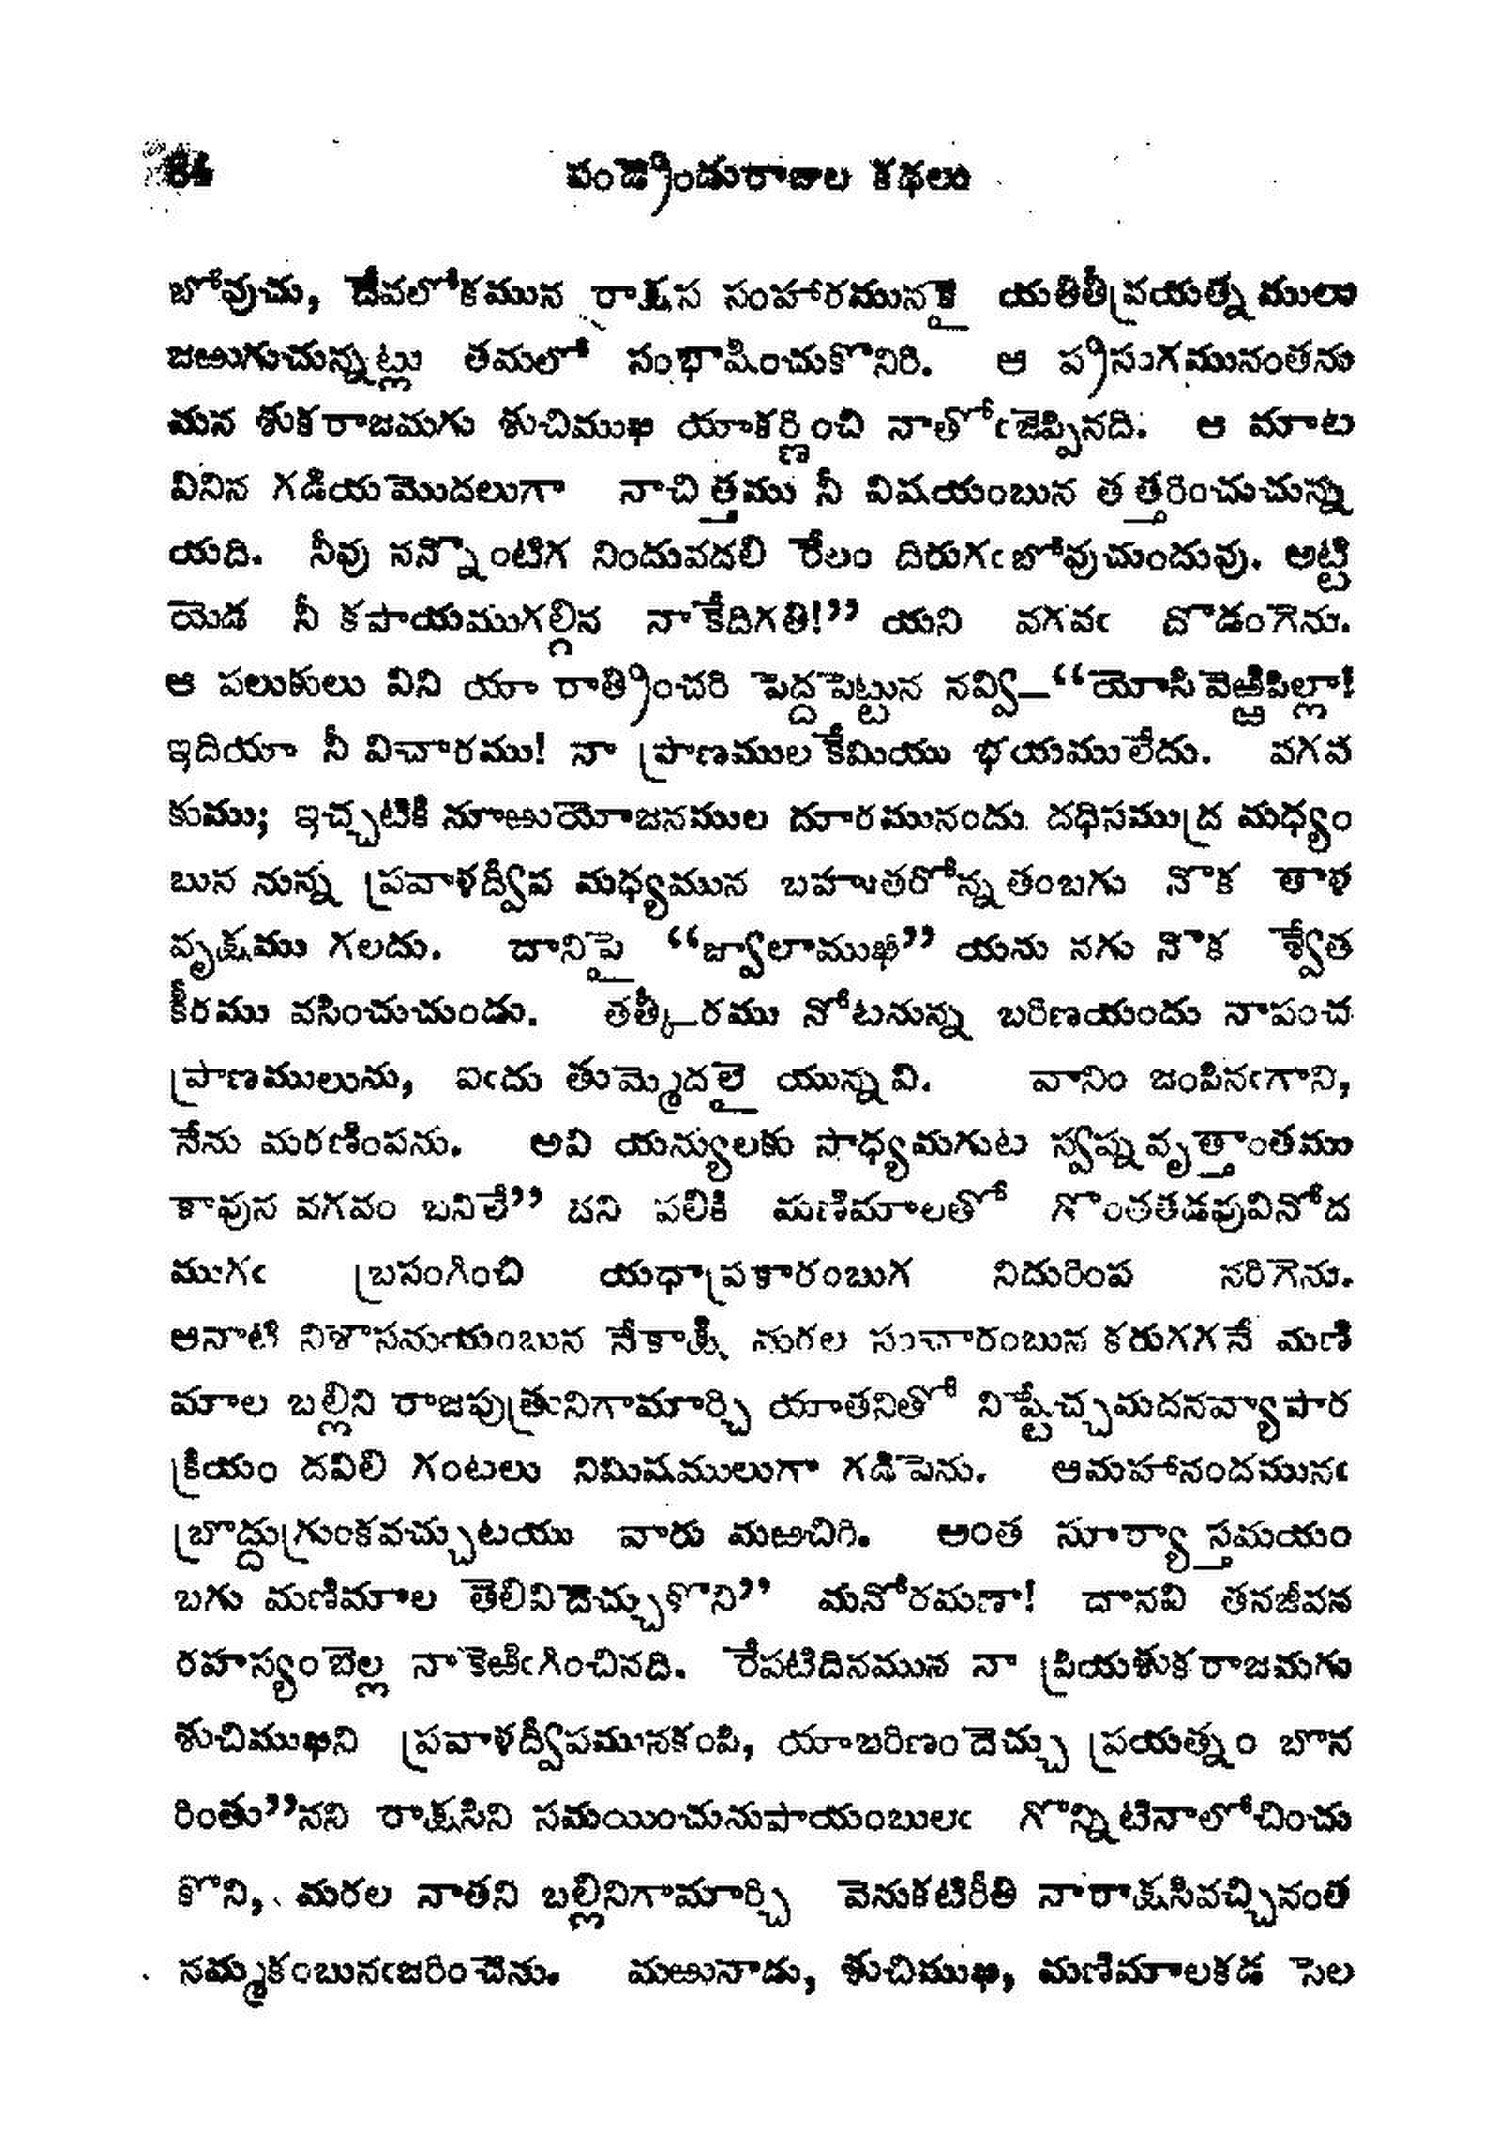బోవుచు, దేవలోకమున రాక్షస సంహారమునకై యతితీవ్రయత్నములు జఱుగుచున్నట్లు తమలో సంభాషించుకొనిరి. ఆ ప్రసంగమునంతను మన శుక రాజమగు శుచిముఖి యాకర్ణించి నాతోఁ జెప్పినది. ఆ మాట వినిన గడియ మొదలుగా నాచిత్తము నీ విషయంబున తత్తరించుచున్నయది. నీవు నన్నొంటిగ నిందువదలి రేలం దిరుగఁబోవుచుందువు. అట్టియెడ నీ కపాయముగల్గిన నాకేదిగతి!" యని వగవఁ దొడంగెను. ఆ పలుకులు విని యా రాత్రించరి పెద్ద పెట్టున నవ్వి——"యోసి వెఱ్ఱి పిల్లా! ఇదియా నీ విచారము! నా ప్రాణముల కేమియు భయము లేదు. వగవకుము; ఇచ్చటికి నూఱుయోజనముల దూరమునందు. దధిసముద్ర మధ్యంబున నున్న ప్రవాళద్వీప మధ్యమున బహుతరోన్న తంబగు నొక తాళవృక్షము గలదు. దానిపై "జ్వాలాముఖి" యను నగు నోక శ్వేత కీరము వసించుచుండు. తత్కీరము నోటనున్న బరిణయందు నాపంచ
ప్రాణములును, ఐఁదు తుమ్మెద లై యున్నవి. వానిం జంపినఁగాని, నేను మరణింపను. అవి యన్యులకు సాధ్యమగుట స్వప్న వృత్తాంతము కావున పగవం బనిలే" దని పలికి మణిమాలతో గొంతతడవువినోదముగఁ బ్రసంగించి యధాప్రకారంబుగ నిదురింప నరిగెను. ఆనాటి నిశాసమయంబున నేకాక్షి, మరల సంచారంబున కరుగగనే మణిమాల బల్లిని రాజపుత్రునిగా మార్చి యాతనితో నిఫ్ట్వేచ్చమదనవ్యాపారక్రియం దవిలి గంటలు నిమిషములుగా గడిపెను. ఆమహానందమునఁ బొద్దుగ్రుంక వచ్చుటయు వారు మఱచిరి.అంత సూర్యాస్తమయం బగు మణిమాల తెలివి దెచ్చుకొని" మనోరమణా! దానవి తనజీవన రహస్యంబెల్ల నా కెఱిఁగించినది. రేపటిదినమున నా ప్రియశుక రాజమగు శుచిముఖిని ప్రవాళ ద్వీపమునకంపి, యాబరీణం దెచ్చు ప్రయత్నం బొనరింతు"నని రాక్షసిని సమయంచునుపాయంబులఁ గొన్నిటినాలోచించుకొని, మరల నాతని బల్లినిగా మార్చి వెనుకటి రీతి నారాక్షసివచ్చినంత నమ్మకంబునఁజరించెను. మఱునాడు, శుచిముఖి, మణిమాలకడ సెల